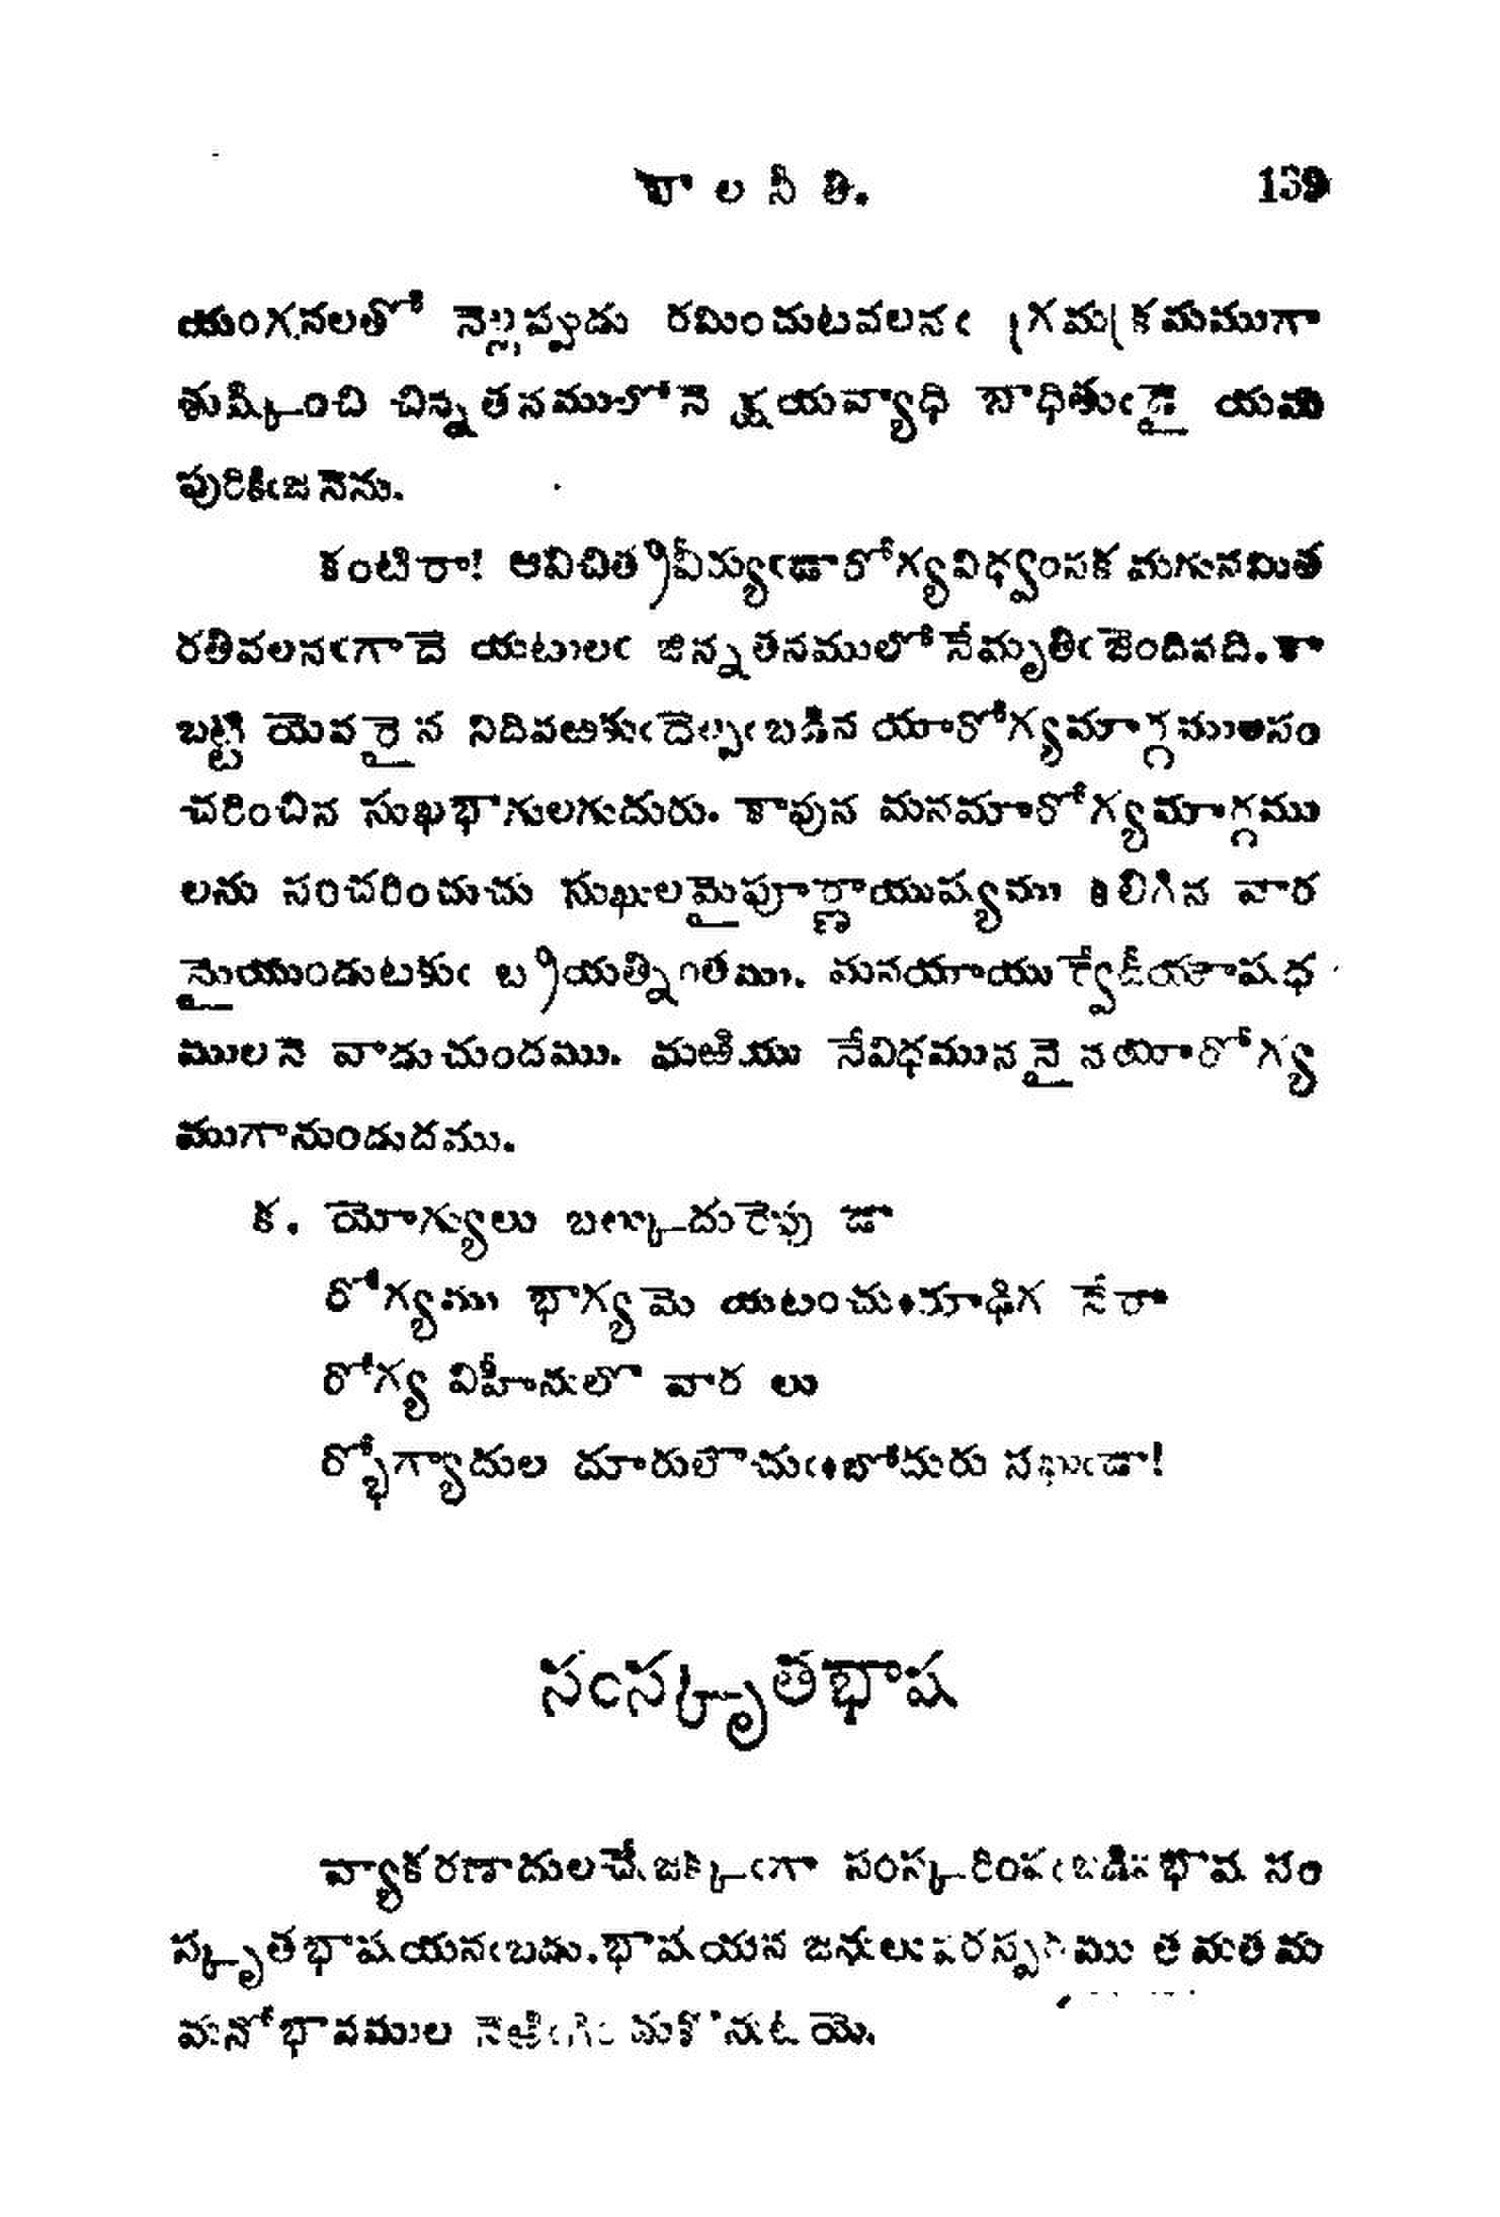యంగనలతో నెల్లప్పుడు రమించుటవలనఁ గ్రమక్రమముగా 
శుష్కించి చిన్నతనములోనే క్షయవ్యాధి బాధితుఁడై యమ 
పురికిఁజనెను.

కంటిరా! ఆవిచిత్రవీర్యుఁడారోగ్య విధ్వంసక మగునమిత 
రతివలనఁగాదె యటులఁ జిన్నతనములోనేమృతిఁజెందినది. కా 
బట్టి యెవరైన నిదివఱకుఁదెల్పఁబడిన యారోగ్యమార్గములసం 
చరించిన సుఖభాగులగుదురు. కావున మనమారోగ్యమార్గము 
లను సంచరించుచు సుఖలమైపూర్ణాయుష్యము కలిగిన వార 
మైయుండుటకుఁ బ్రయత్నింతము. మనయాయుర్వేదీయౌషధ 
ములనె వాడుచుందము. మఱియు నేవిధముననైనయారోగ్య 
ముగా నుండుదము. 

క. యోగ్యులు బల్కుదురెపు డా
 రోగ్యము భాగ్యమె యటంచు రూఢిగ నేరా
 రోగ్య విహీనులొ వార లు
 ర్భోగ్యాదుల దూరులౌచుఁబోదురు సఖుఁడా! 

 
సంస్కృతభాష

వ్యాకరణాదులచేఁజక్కఁగా సంస్కరింపఁబడినభాష సం 
స్కృతభాషయనఁబడు. భాషయన జనులు పరస్పరము తమతమ 
మనోభావముల నెఱిగించుకొనుటయె.